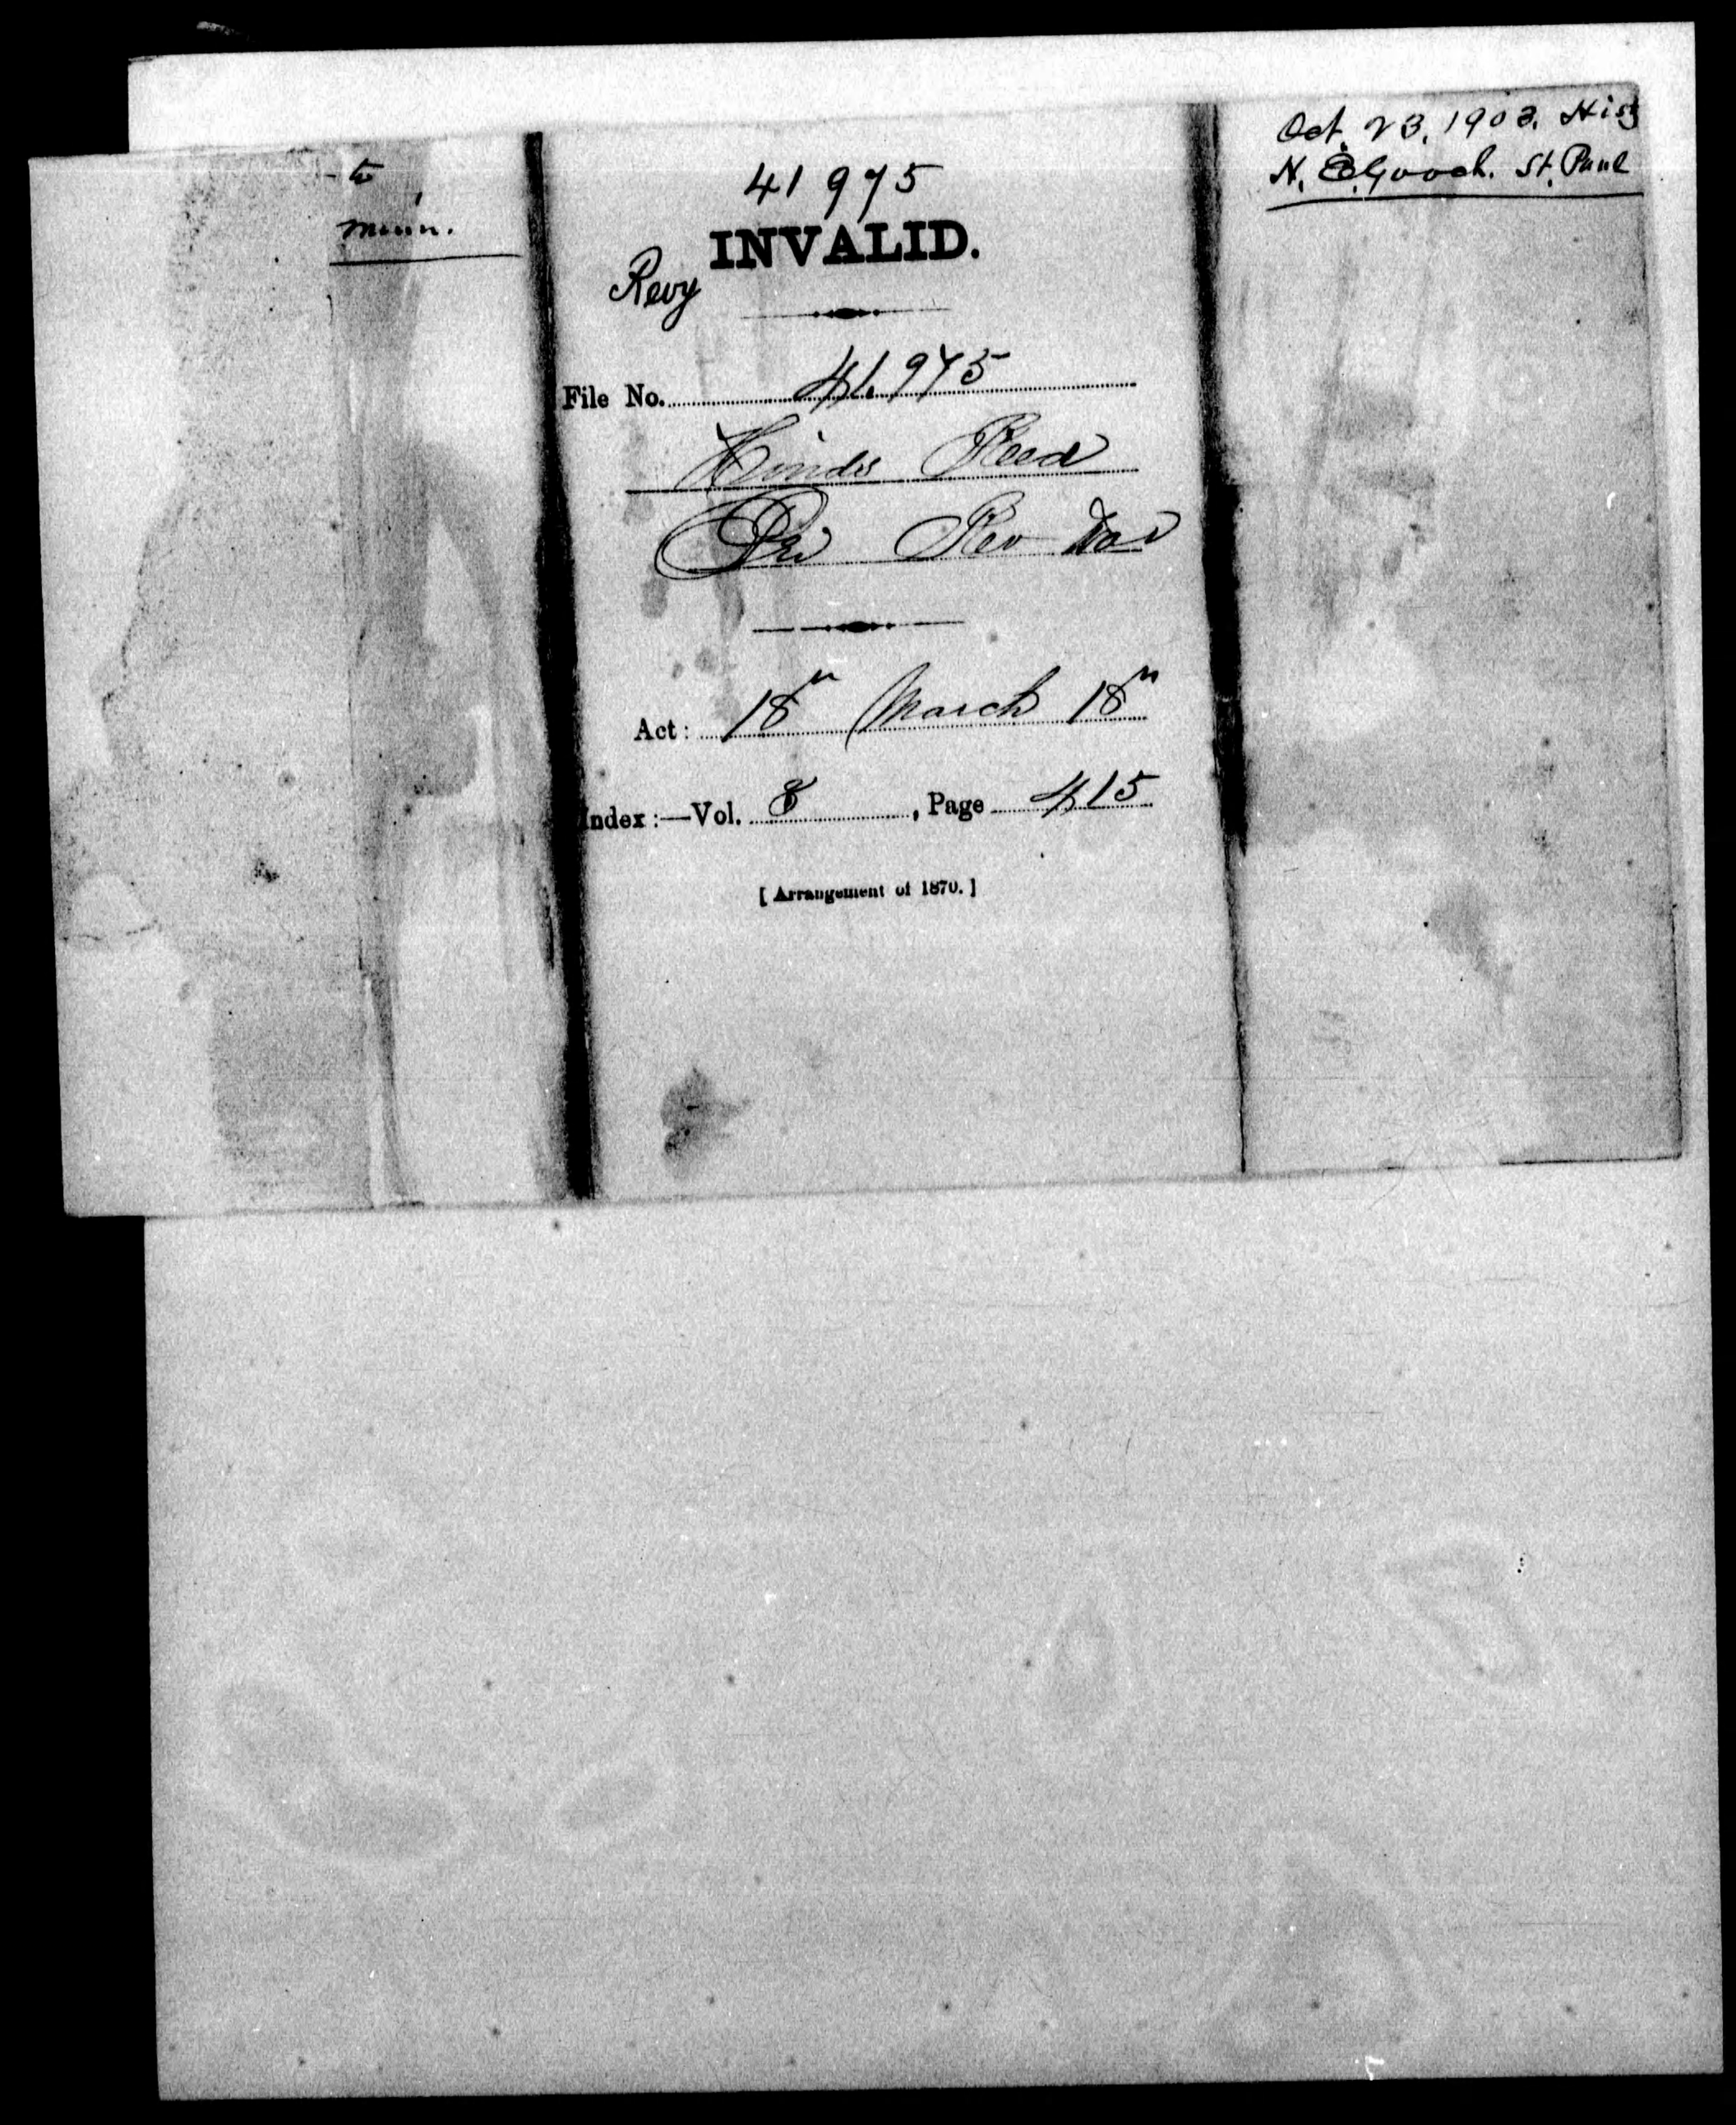41975
revy
INVALID
File No. 41,975
Hinds Reed
Pri Rev War
Act: 18th March 18
Index:-Vol.8, Page 415
(Arrangement of 1870.)

Oct 28, 1908 Hist
H. E Gooch St. Paul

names: Hinds Reed; H E Gooch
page: 15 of 19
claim: survivor's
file: S 41975, for Hinds Reed, New Hampshire